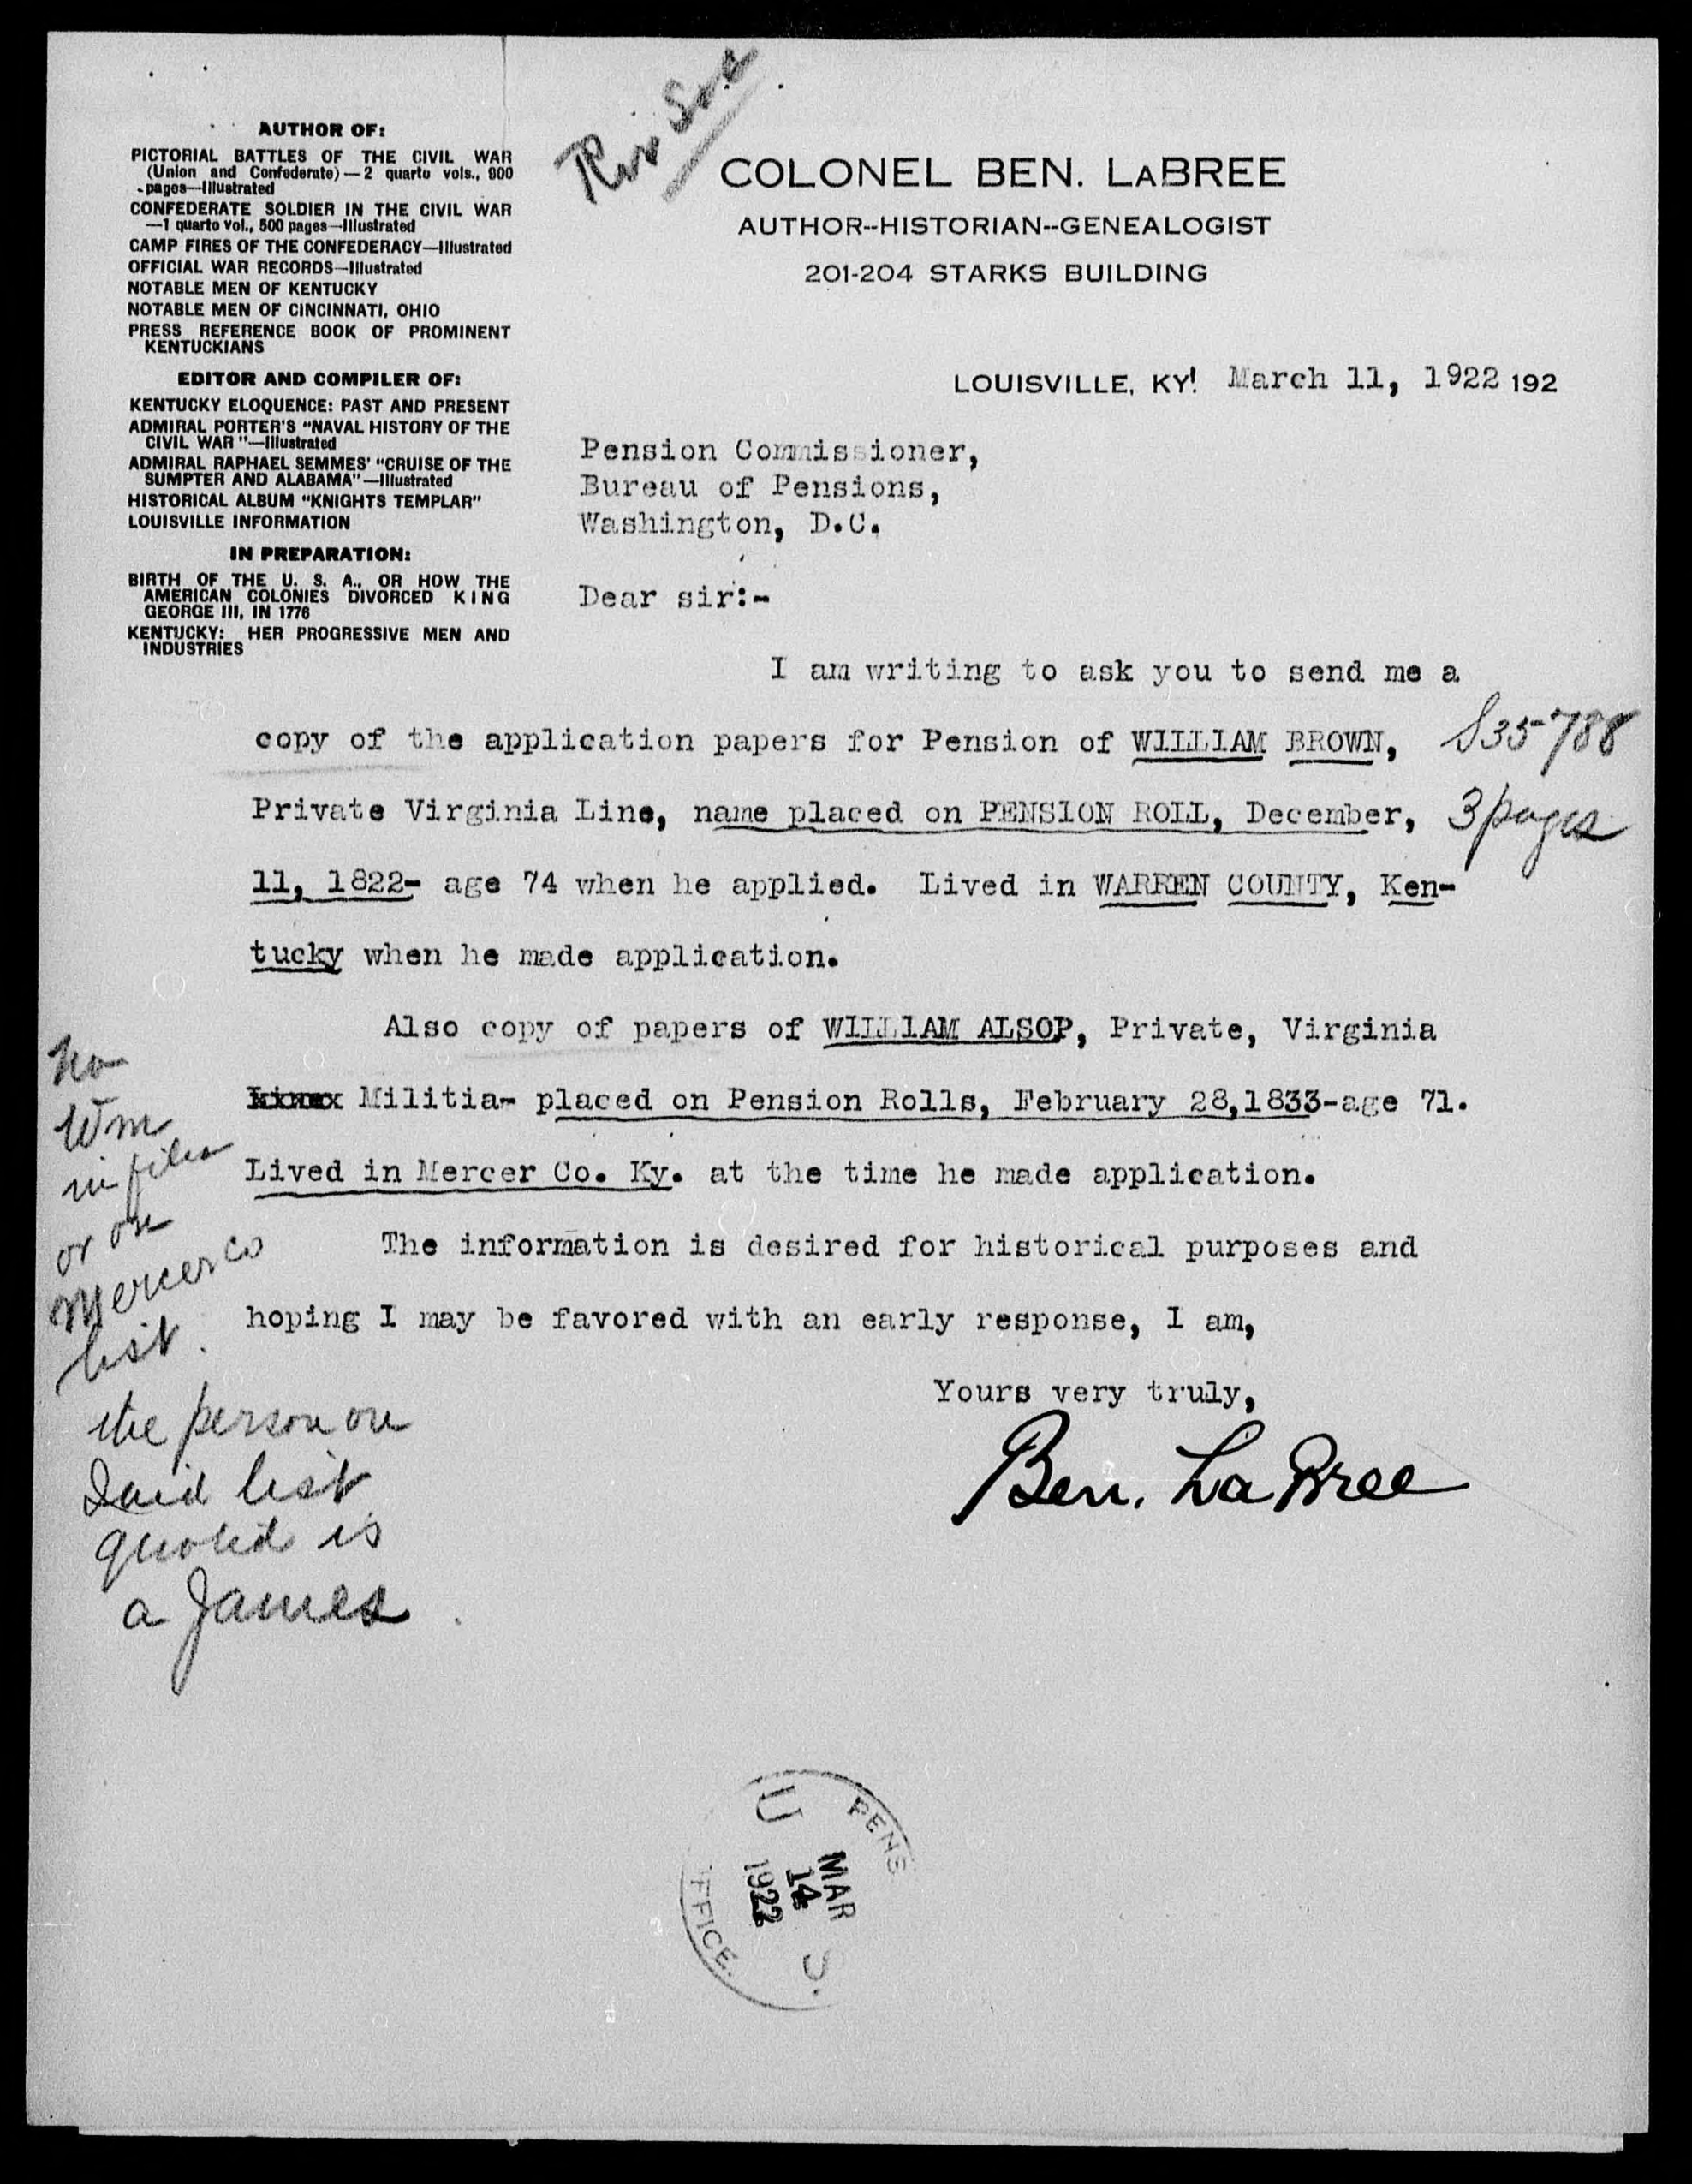Rev. Sve.
AUTHOR OF
PICTORIAL BATTLES OF THE CIVIL WAR (Union and Confederate) - 2 quarto vols., 900 - pages - illustrated
CONFEDERATE SOLDIER IN THE CIVIL WAR - 1 quarto vol., 500 pages - illustrated
CAMP FIRES OF THE CONFEDERACY -- Illustrated
OFFICIAL WAR RECORDS -- Illustrated
NOTABLE MEN OF KENTUCKY
NOTABLE MEN OF CINCINNATI, OHIO
PRESS REFERENCE BOOK OF PROMINENT
KENTUCKIANS
EDITOR AND COMPILER OF:
KENTUCKY ELOQUENCE: PAST AND PRESENT
ADMIRAL PORTER' S NAVAL HISTORY OF THE
CIVIL WAR -- Illustrated
ADMIRAL RAPHAEL SEMMES' "CRUISE OF THE SUMPTER AND ALABAMA" -  Illustrated
HISTORICAL ALBUM "KNIGHTS TEMPLAR"
LOUISVILLE INFORMATION
IN PREPARATION:
BIRTH OF THE U. S. A., OR HOW THE AMERICAN COLONIES DIVORCED KING GEORGE III, IN 1778
KENTUCKY: HER PROGRESSICVE MEN AND INDUSTRIES

COLONEL BEN. LABREE
AUTHOR-HISTORIAN -- GENEALOGIST
201-204 STARKS BUILDING
LOUISVILLE, KY. March 11, 1922 192
Pension Commissioner,
Bureau of Pensions,
Washington, D.C.
Dear sir:-
said list
I am writing to ask you to send me a
copy of the application papers for pension of WILLIAM BROWN, Private Virginia Line, name placed on PENSION ROLL, December 11, 1822, age 74 when he applied. Lived in WARREN COUNTY, Kentucky when he made application.

Also copy of papers of WILLIAM ALSOP, Private, Virginia, Militia placed on Pension Rolls, February 28, 1833, age 71. Lived in Mercer Co. Ky. at the time he made application.

The information is desired for historical purposes and hoping I may be favored with an early response, I am,
Yours very truly,
Ben. [Benjamin] LaBree Lee

[handwritten]
No Wm in files or on Mercer Co. list. 'the person on said list quoted is a James.
S 35788 
3 pages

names: James, William Alsop, William Brown, Ben La Bree, Wm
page: 20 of 21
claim: survivor's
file: S. 35,788, William Brown, Va.